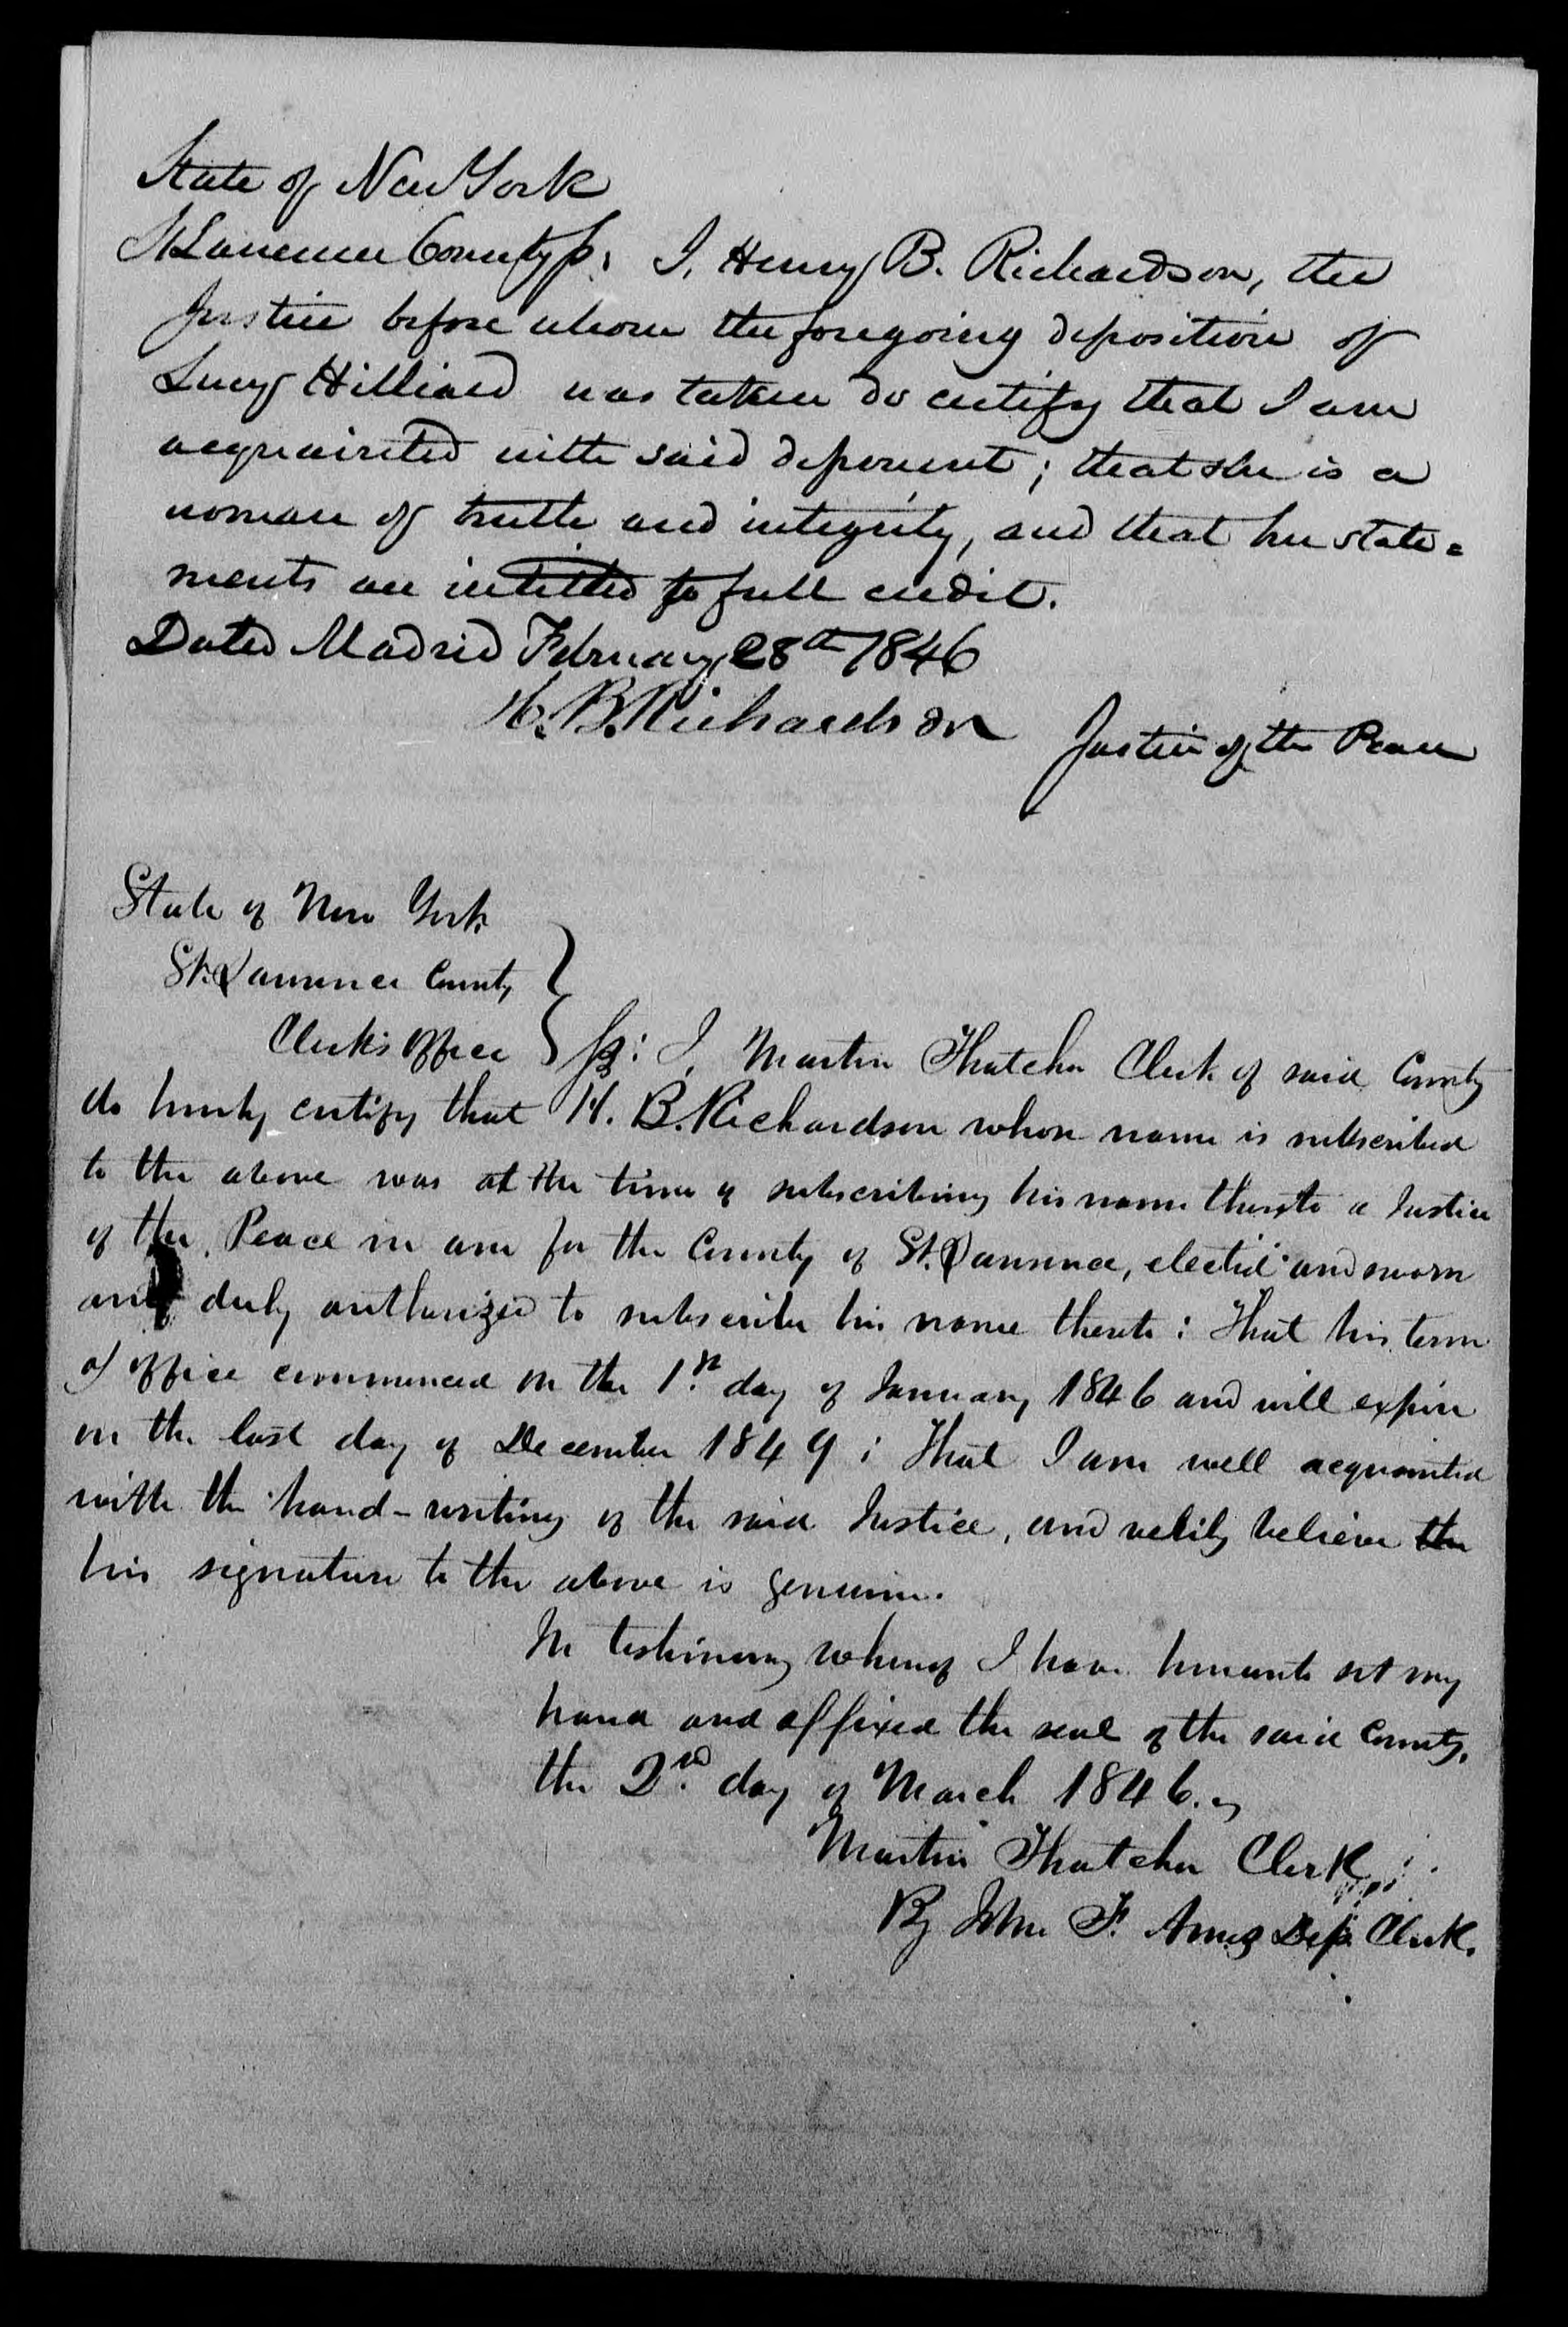State of New York
St Lawrence County ss: I, Henry B. Richardson, the Justice before whom the foregoing deposition of Lucy Hilliard was taken to certify that I am acquainted with said deponent; that she is a woman of truth and integrity, and that her statements are entitled to fully credit.
Dated Madrid February 28th 1846
H.B. Richardson Justice of the Peace

State of New York}
St. Lawrence County}
Clerk's Office} ss: I, Martin Thatcher Clerk of said County do hereby certify that H.B. Richardson whose name is subscribed to the above was at the time of subscribing his name thereto a Justice of the Peace in and for the County of St. Lawrence, elected and sworn and duly authorized to subscribed his name thereto: That his term of office commenced on the 1st day of January 1846 and will expire in the last day of December 1849: That I am well acquainted with the hand-writing of the said Justice, and verily believe that his signature to the above is genuine.
In testimony whereof I have hereunto put my hand and affixed the seal of the said County, this 2nd day of March 1846
Martin Thatcher Clerk
B. John F. Ames Dep. Clerk.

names: H B Richardson, Martin Thatcher, Henry B Richardson, Lucy Hilliard, John F Ames, H B Richardson, Martin Thatcher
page: 12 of 79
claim: widow's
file: W. 23754, Justus Byington, Conn.